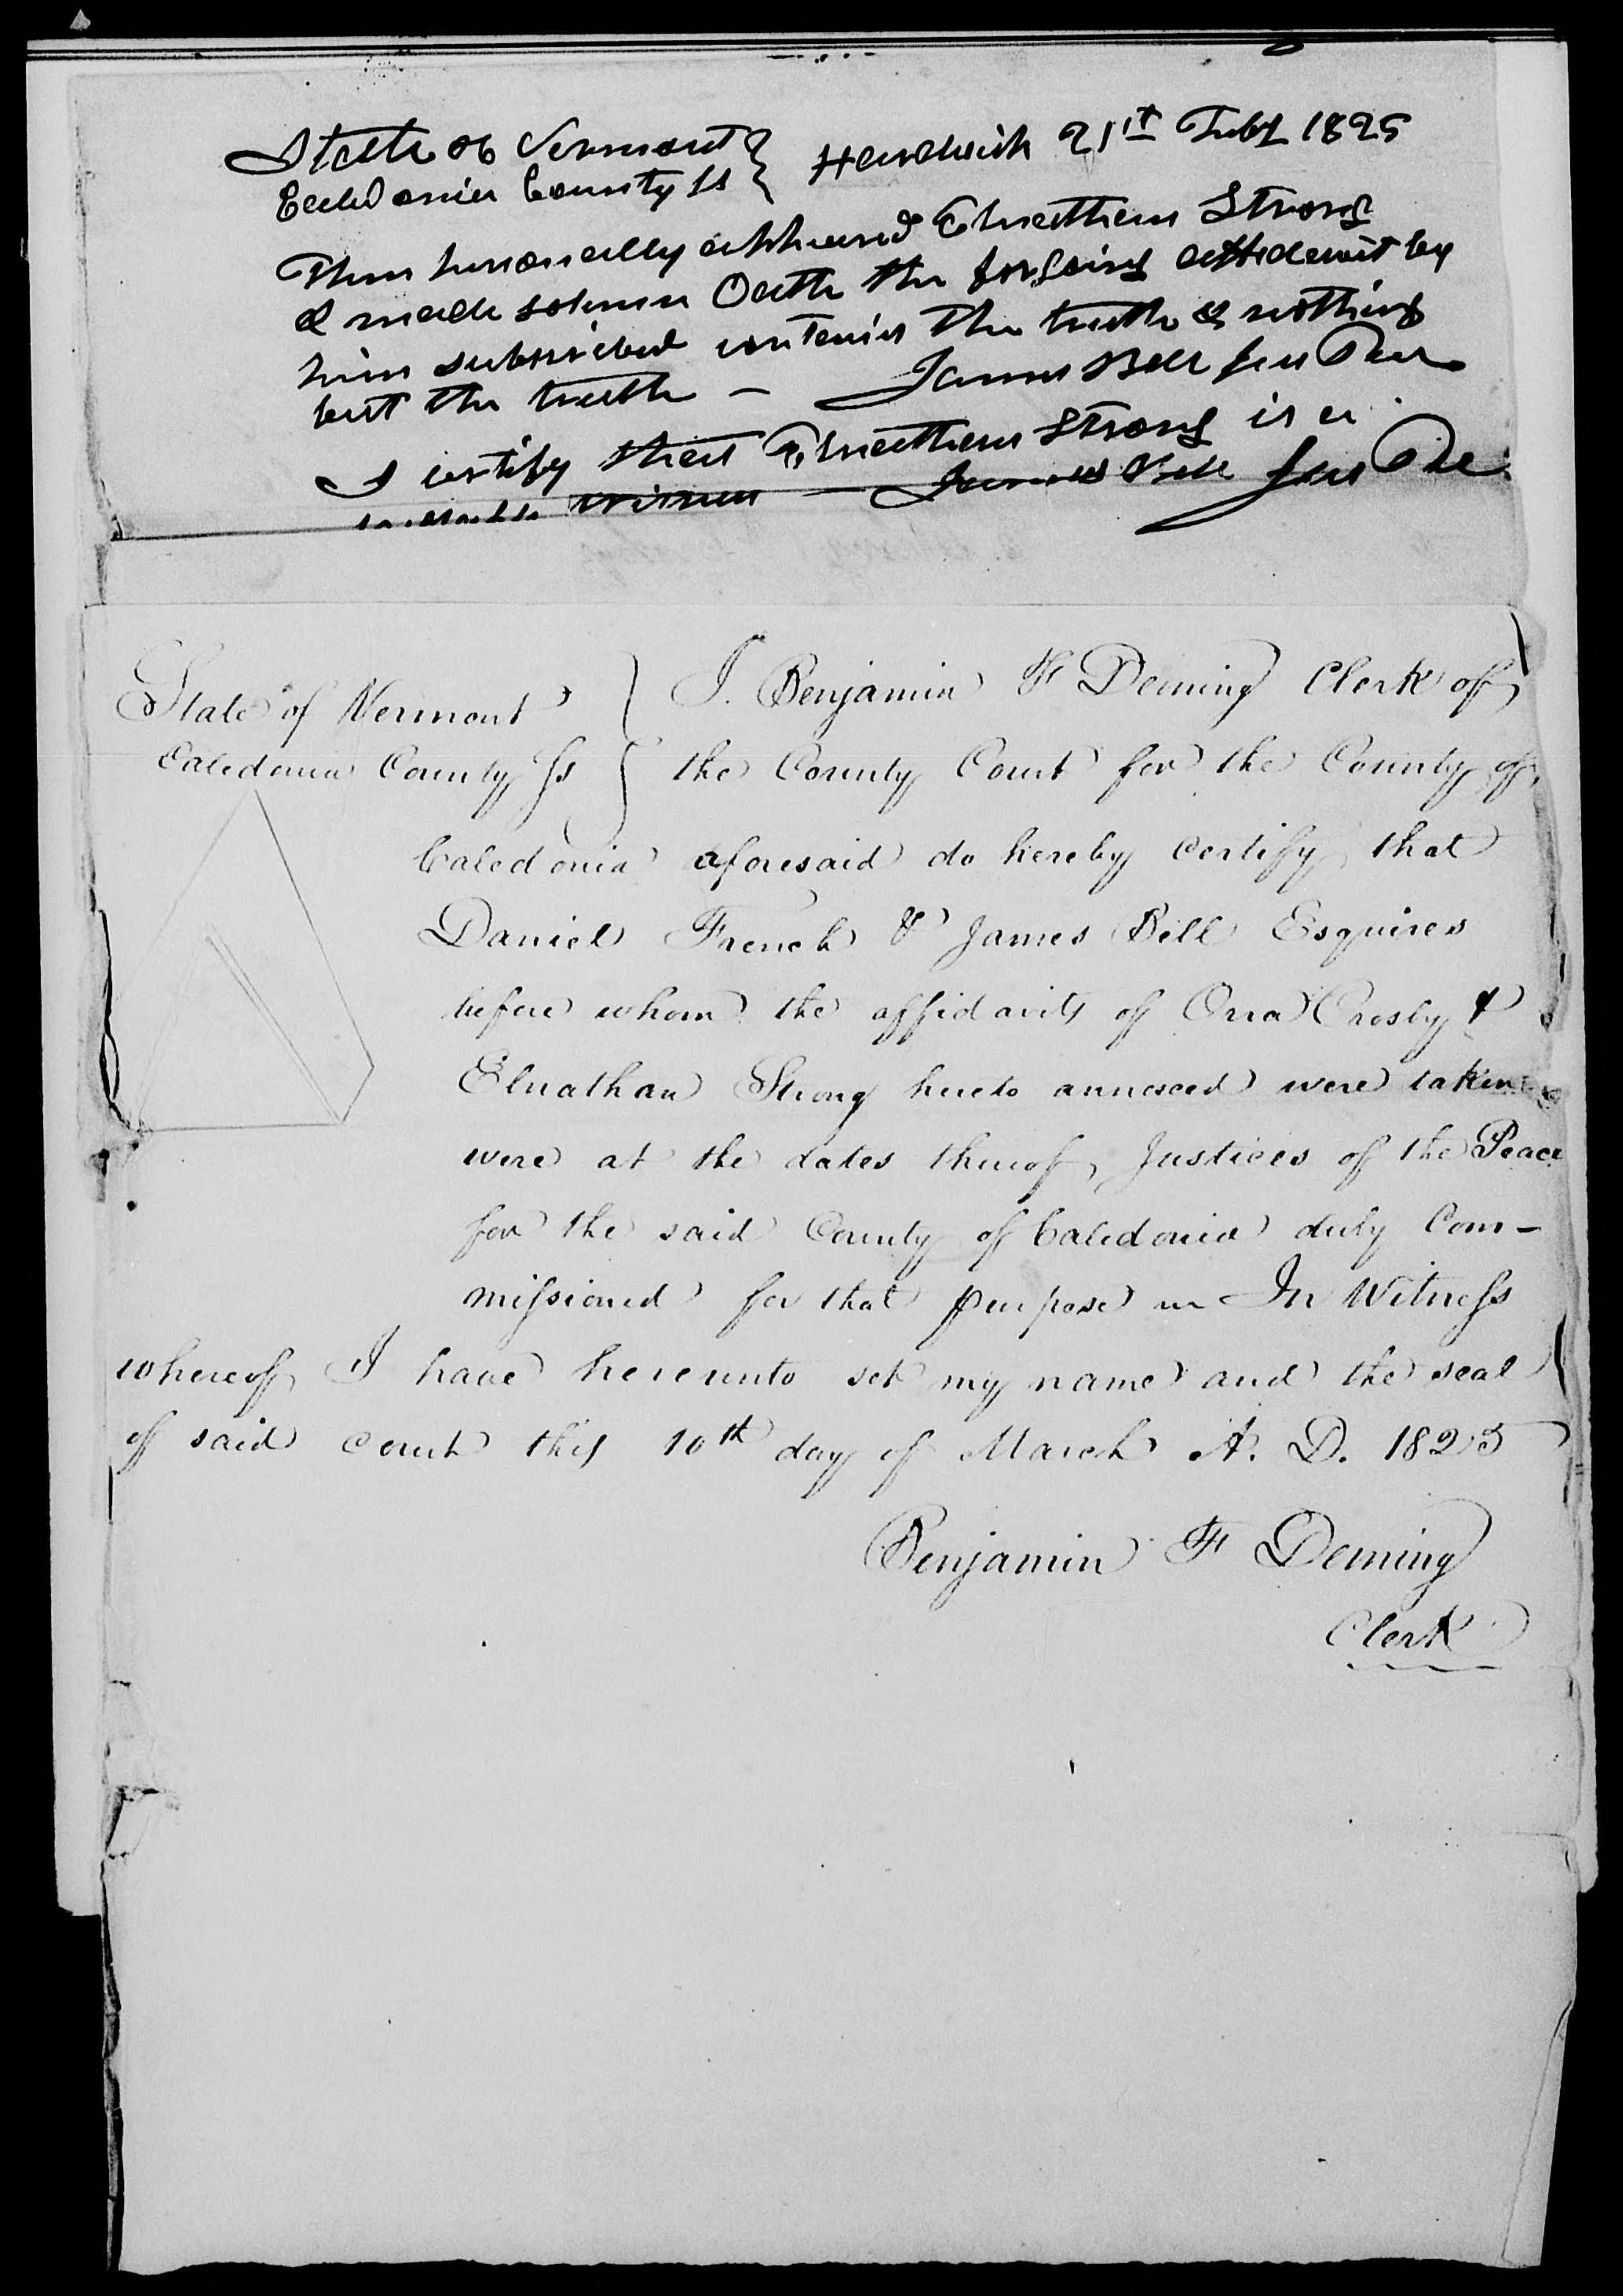State of Vermont
Caledonia County
Hardwich 21st July 1825
Then personally appeared Elnathan Strong and made solemn Oath the forgoing affidavit by him subscribed contains the truth and nothing but the truth - James Bell Justice Peace
I certify that Elnathan Strong is a credible witness - James Bell Just Peace

State of Vermont
Caledonia County
I Benjamin F Deming Clerk of the County Court for the County of Caledonia aforesaid do hereby certify that Daniel French and James Bell Esquires before whom the affidavit of Orra Crosby and Elnathan Strong hereto announced were taken were at the dates thereof Justices of the Peace for the said County of Caledonia duly commissioned for that purpose - In witness whereof I have hereunto set my name and the seal of said County this 10th day of March A. D. 1825
Benjamin F Deming
Clerk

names: Daniel French, Benjamin F Deming, Elnathan Strong, James Bell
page: 106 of 114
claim: widow's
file: W. 2115, Seth Hubbell, Conn.